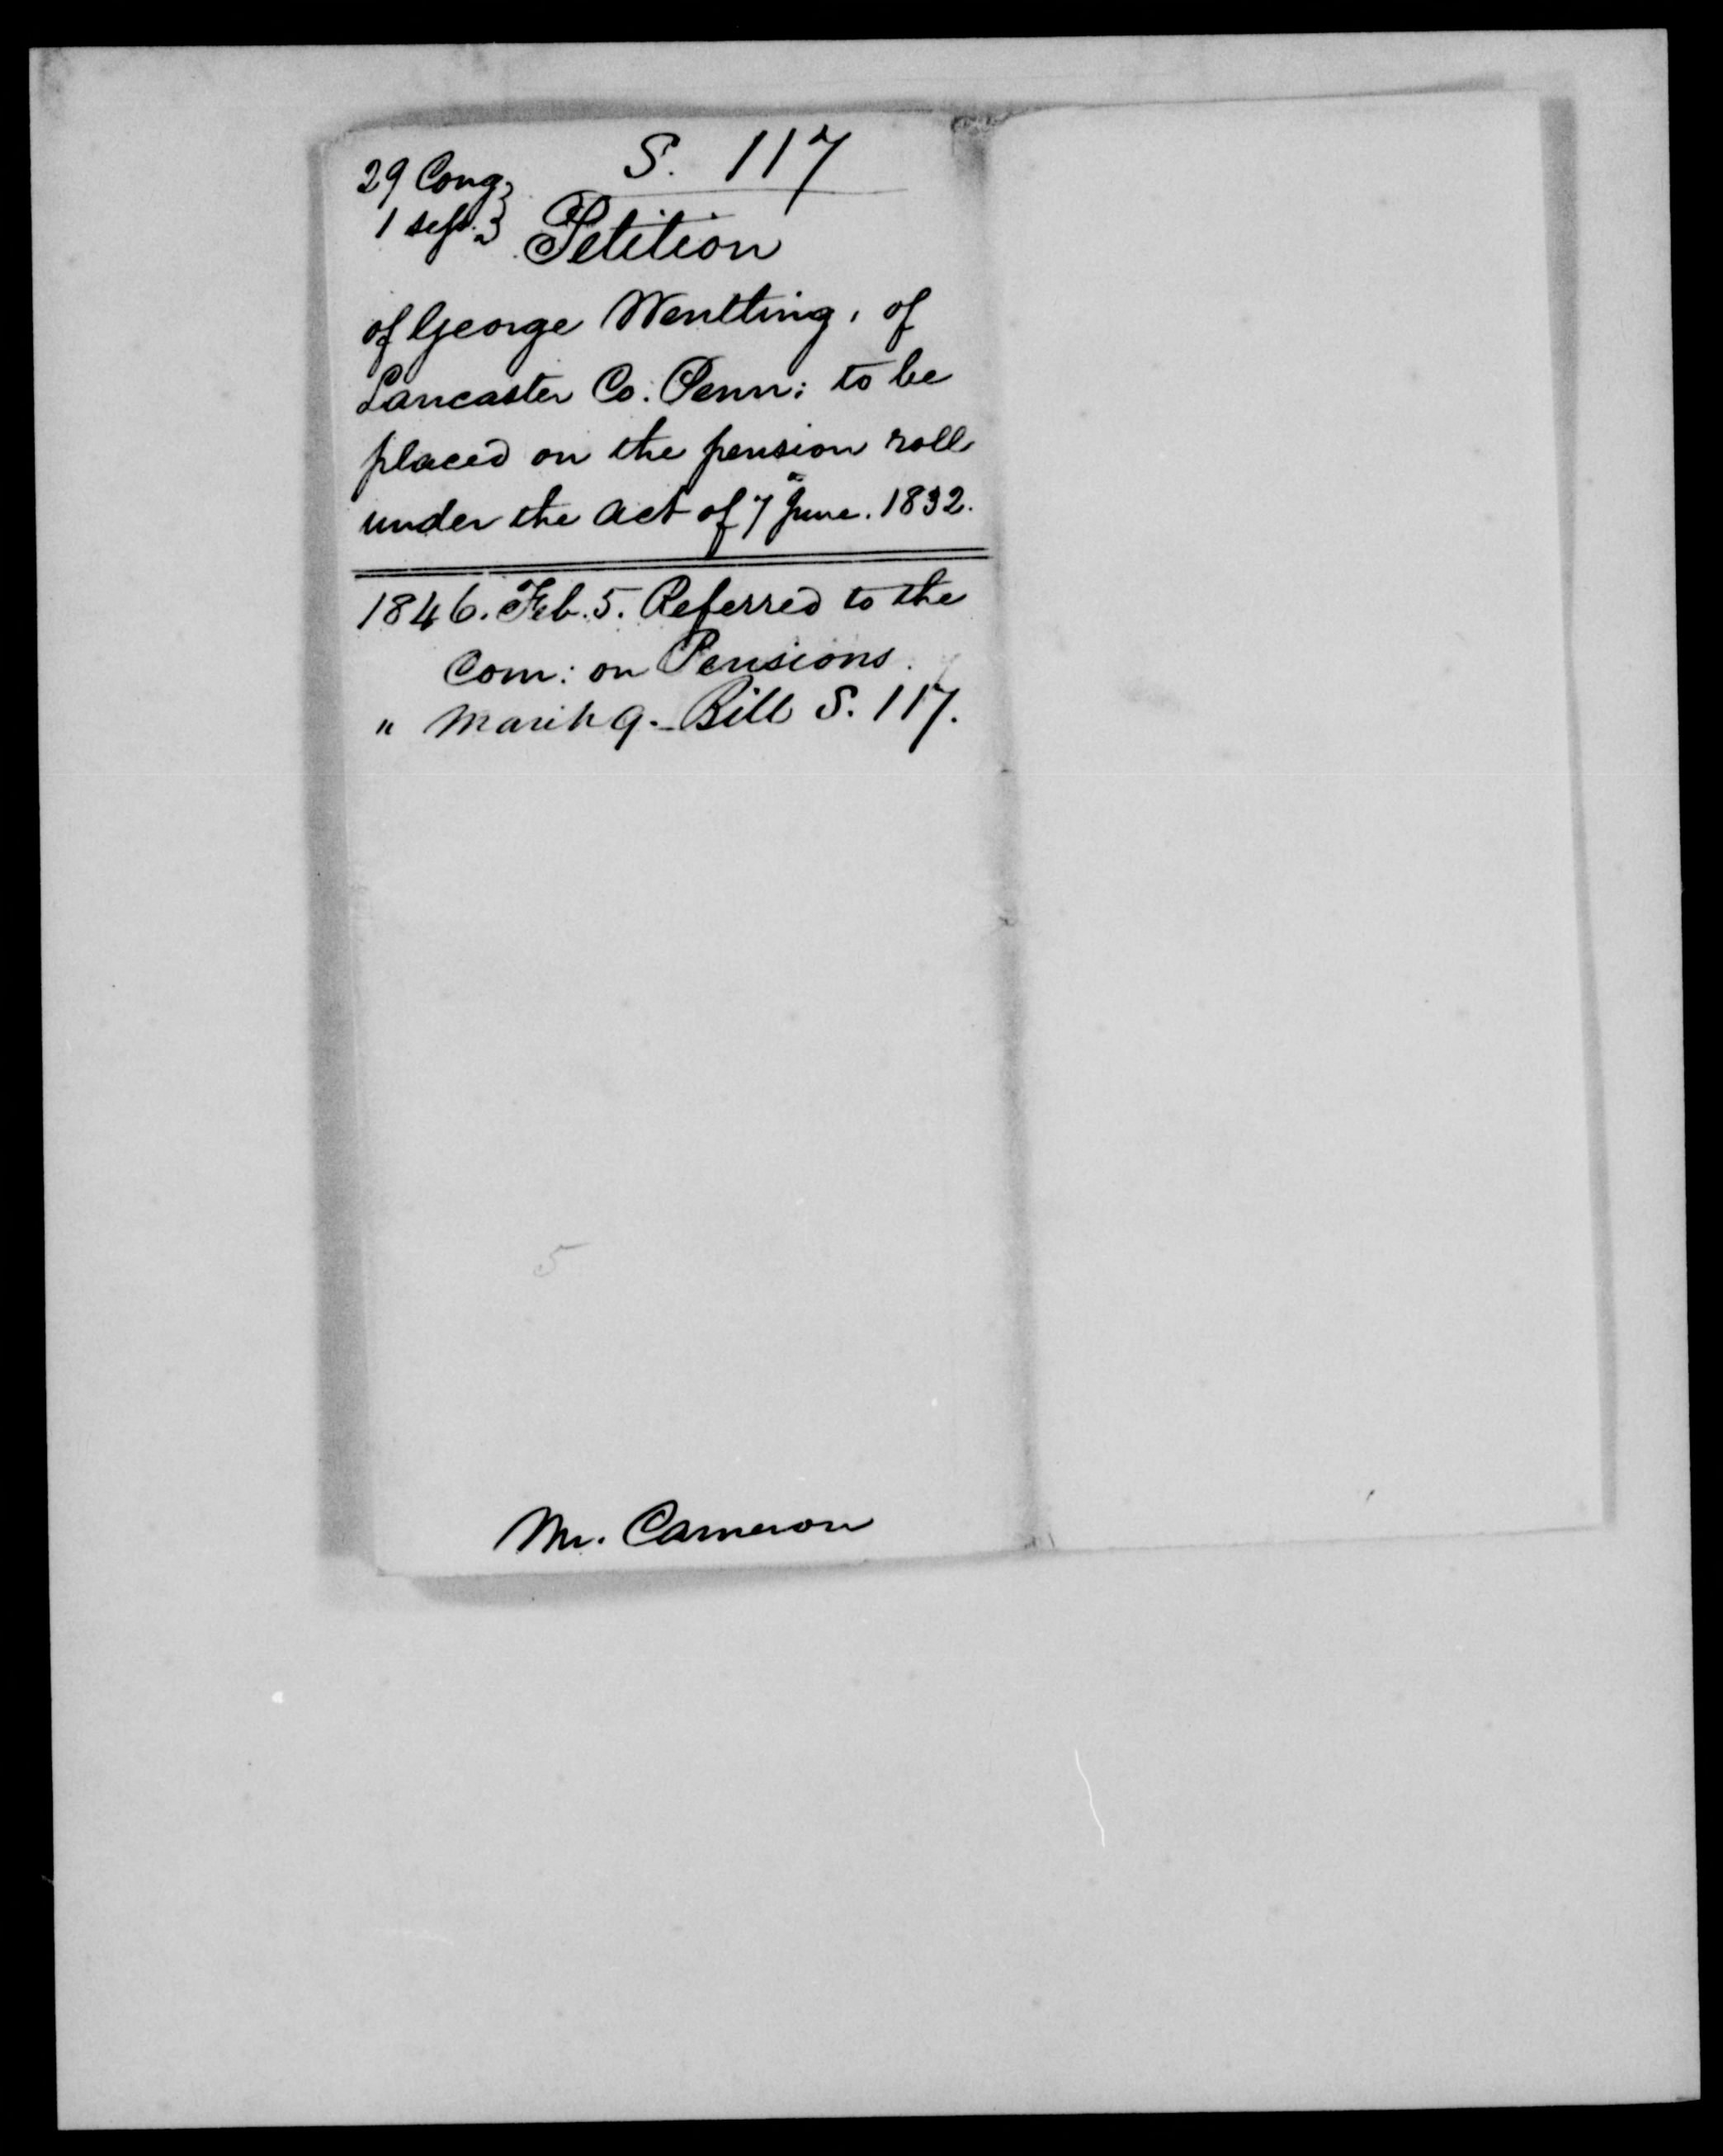29 Cong}          S. 117
   1 sefs}         Petition
of George Wentling, of
Lancaster Co. Penn; to be
placed on the pension roll
under the act of 7 June 1832.
-
1846. Feb. 5. Referred to the
Com: on Pensions
" March 9. Bill 5. 117

Mr. Cameron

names: Cameron, George Wentling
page: 16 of 68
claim: survivor's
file: S. 6,358, George Wentling, Penn.